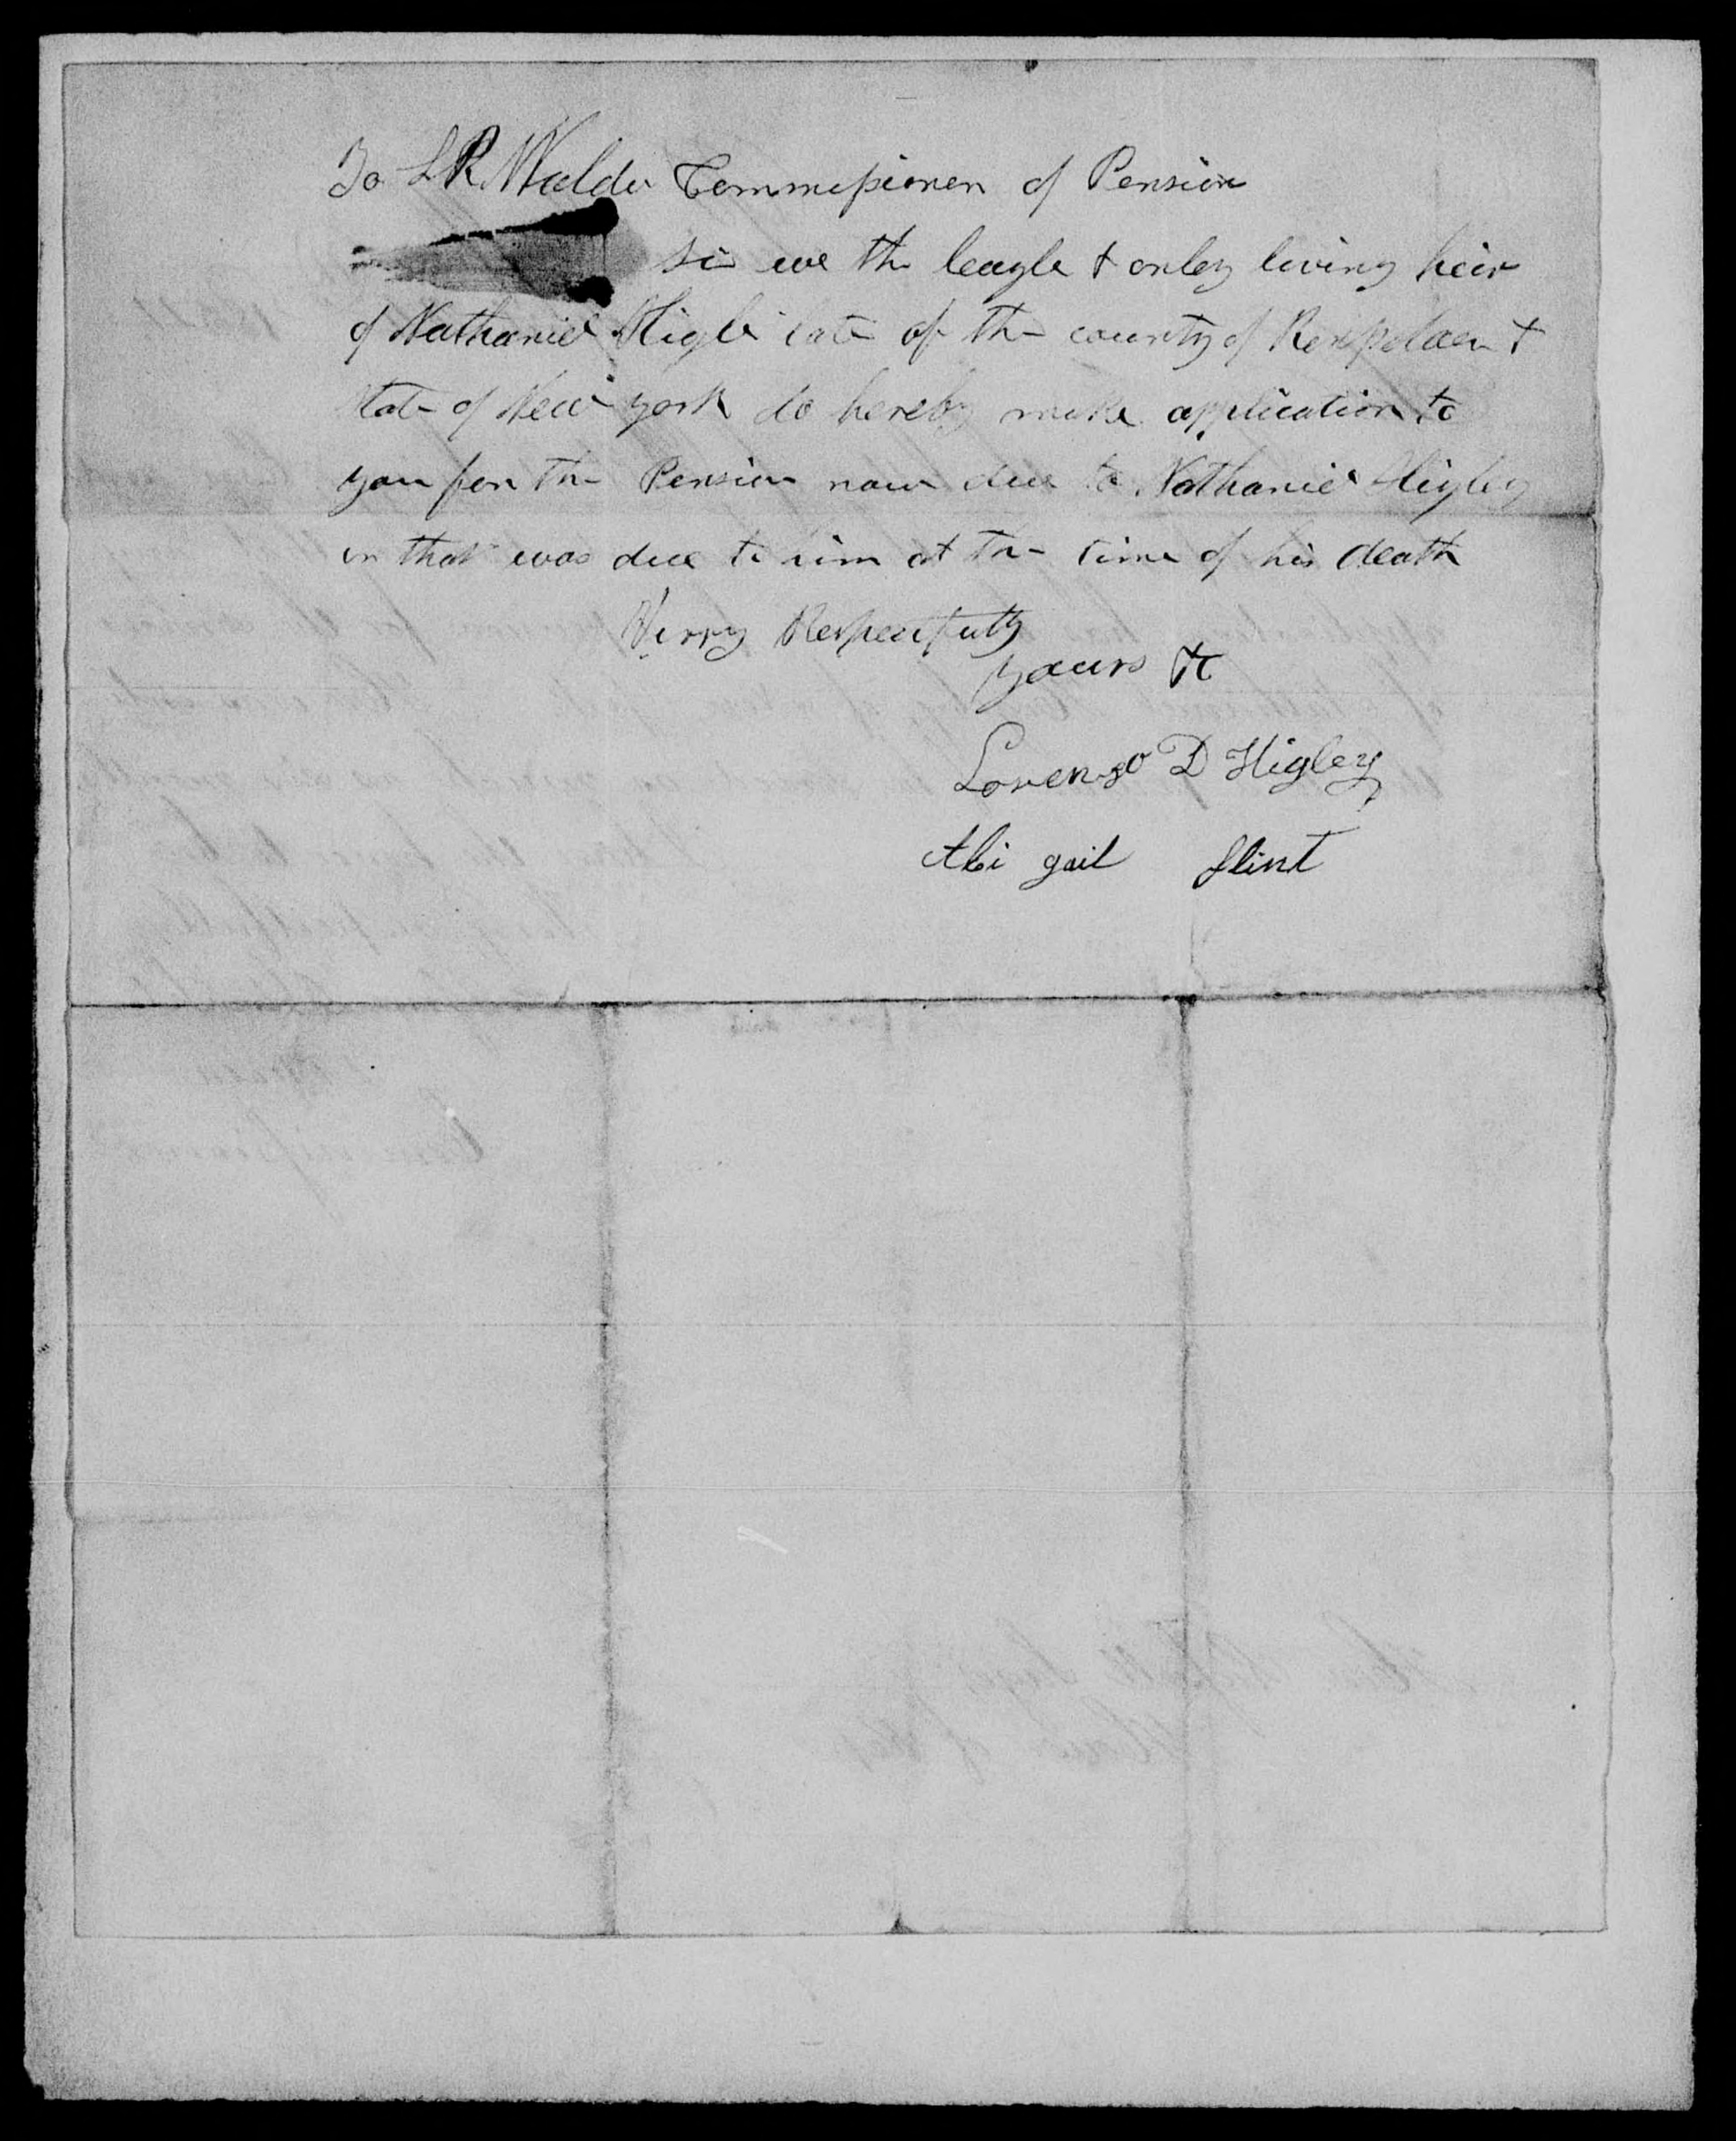To LR Waldo Commissioner of Pension
Sir we the leagle & only living heir of Nathaniel Higby ate of the county of Rensselaer & state of New York do hereby make application to you for the Pension now due to Nathaniel Higby in that was due to him at the time of his death
Respectfully
Yours
Lorenzon D Higley
Abigail Flint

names: Nathaniel Higb, Abigail Flint, L P Waldo, Lorenzo D Higley, Nathaniel Higbey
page: 20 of 25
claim: rejected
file: R. 4972, Nathaniel Higby, Conn.